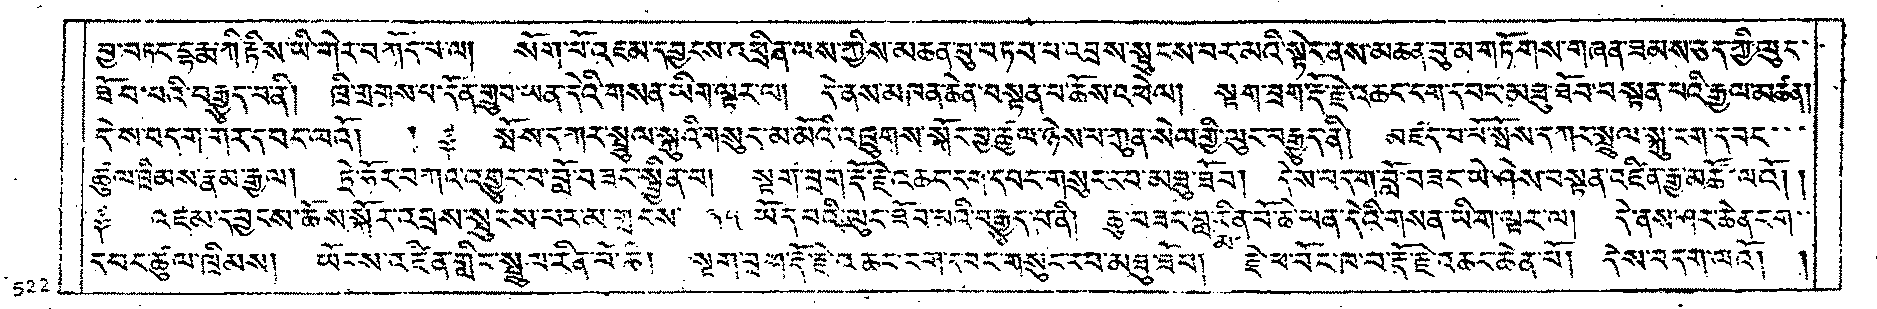བྱ་བཏང་དྷརྨ་ཀི་རྟིས་ཡི་གེར་བཀོད་པ་ལ། སོག་པོ་འཇམ་དབྱངས་འཕྲིན་ལས་ཀྱིས་མཚན་བུ་བཏབ་པ་འབྲས་སྤུངས་པར་མའི་སྟེང་ནས་མཆན་བུ་མ་གཏོགས་གཞན་ཐམས་ཅད་ཀྱི་ལུང་
ཐོབ་པའི་བརྒྱུད་པ་ནི། ཁྲི་གྲགས་པ་དོན་གྲུབ་ཡན་དེའི་གསན་ཡིག་ལྟར་ལ། དེ་ནས་མཁན་ཆེན་བསྟན་པ་ཆོས་འཕེལ། སྟག་བྲག་རྡོ་རྗེ་འཆང་ངག་དབང་མཐུ་ཐོབ་བསྟན་པའི་རྒྱལ་མཚན།
དེས་བདག་གར་དབང་ལའོ། ། ༈ སྤོས་དཀར་སྤྲུལ་སྐུའི་གསུང་མ་མོའི་འཁྲུགས་སྐོང་བྱ་ཚུལ་ཉེས་པ་ཀུན་སེལ་གྱི་ལུང་བརྒྱུད་ནི། མཛད་པ་པོ་སྤོས་དཀར་སྤྲུལ་སྐུ་ངག་དབང་
ཚུལ་ཁྲིམས་རྣམ་རྒྱལ། ཏྲེ་ཧོར་བཀའ་འགྱུར་བ་བློ་བཟང་སྦྱིན་པ། སྟག་བྲག་རྡོ་རྗེ་འཆང་ངག་དབང་གསུང་རབ་མཐུ་ཐོབ། དེས་བདག་བློ་བཟང་ཡེ་ཤེས་བསྟན་འཛིན་རྒྱ་མཚོ་ལའོ། །
༈ འཇམ་དབྱངས་ཆོས་སྐོར་འབྲས་སྤུངས་པར་མ་གྲངས ༣༥་ཡོད་པའི་ལུང་ཐོབ་པའི་བརྒྱུད་པ་ནི། ཆུ་བཟང་བླ་མ་རིན་པོ་ཆེ་ཡན་དེའི་གསན་ཡིག་ལྟར་ལ། དེ་ནས་ཤར་ཆེན་ངག་
དབང་ཚུལ་ཁྲིམས། ཡོངས་འཛིན་གླིང་སྤྲུལ་རིན་པོ་ཆེ། སྟག་བྲག་རྡོ་རྗེ་འཆང་ངག་དབང་གསུང་རབ་མཐུ་ཐོབ། རྗེ་ཕ་བོང་ཁ་པ་རྡོ་རྗེ་འཆང་ཆེན་པོ། དེས་བདག་ལའོ། །